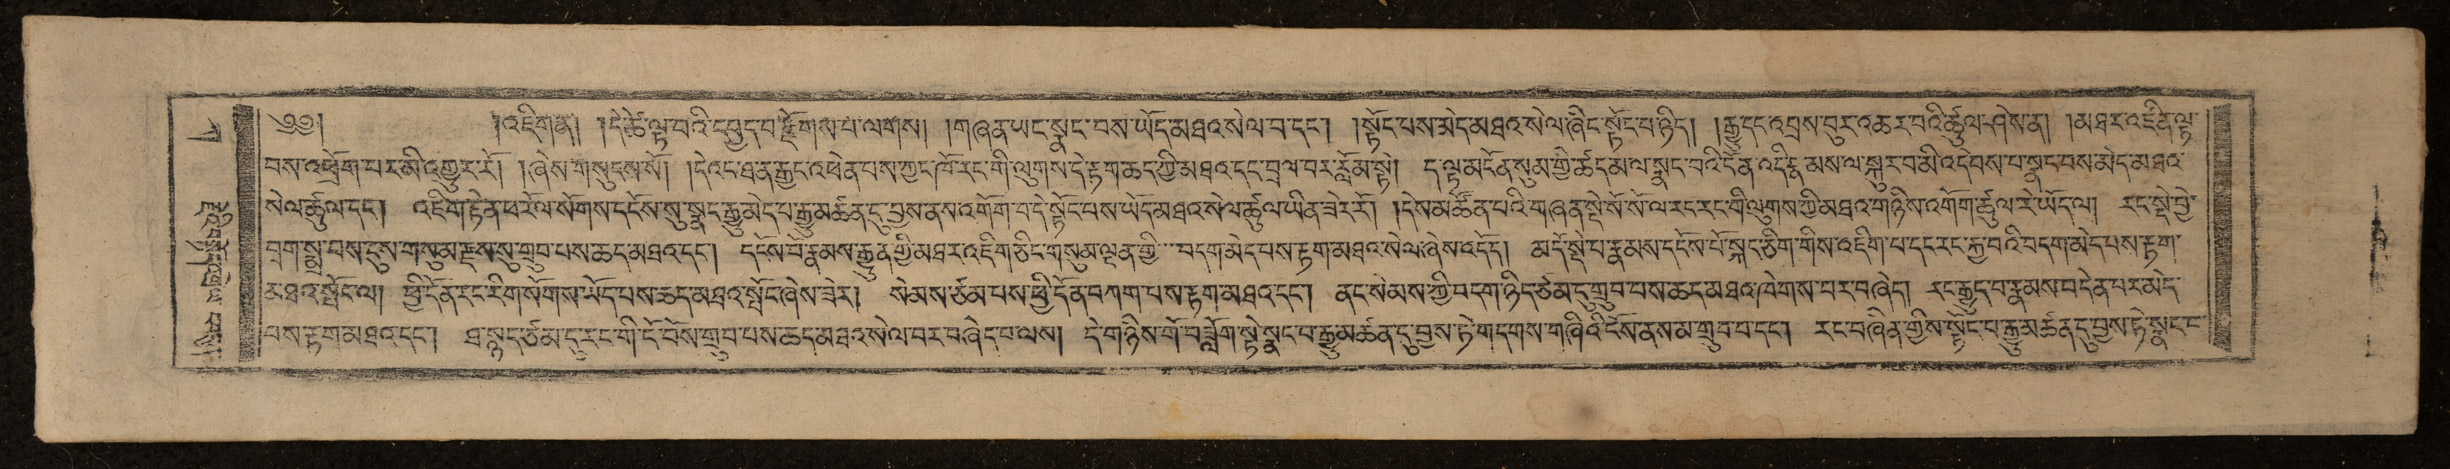༄༅། །འཇིག་ན། །དེ་ཚེ་ལྟ་བའི་དཔྱད་པ་རྫོགས་པ་ལགས། །གཞན་ཡང་སྣང་བས་ཡོད་མཐའ་སེལ་བ་དང་། །སྟོང་པས་མེད་མཐའ་སེལ་ཞིང་སྟོང་བ་ཉིད། །རྒྱུ་དང་འབྲས་བུར་འཆར་བའི་ཚུལ་ཤེས་ན། །མཐའ་འཛིན་ལྟ་
བས་འཕྲོག་པར་མི་འགྱུར་རོ། །ཞེས་གསུངས་སོ། །དེའང་ཐན་རྒྱང་འཕེན་པས་ཀྱང་ཁོ་རང་གི་ལུགས་དེ་རྟག་ཆད་ཀྱི་མཐའ་དང་བྲལ་བར་ཆོས་སྟེ། ད་ལྟ་མངོན་སུམ་གྱི་ཚད་མ་ལ་སྣང་བའི་དོན་འདི་རྣམས་བསྐུར་བ་མི་འདེབས་བ་སྣང་བས་མེད་མཐའ་
སེལ་ཚུལ་དང་། འཇིག་རྟེན་ཕ་རོལ་སོགས་དངོས་སུ་སྣང་རྒྱུ་མེད་པ་རྒྱུ་མཚན་དུ་བྱས་ནས་འགོག་པ་དེ་སྟོང་བས་ཡོད་མཐའ་སེལ་ཚུལ་ཡིན་ཟེར་རོ། །དེས་མཚོན་པའི་གཞན་སྡེ་སོ་སོ་ལ་རང་རང་གི་ལུགས་ཀྱི་མཐའ་གཉིས་འགོག་ཚུལ་རེ་ཡོད་ལ། རང་སྡེ་བྱེ་
བྲག་སྨྲ་བས་དུས་གསུམ་རྫས་སུ་གྲུབ་པས་ཆད་མཐའ་དང་། དངོས་པོ་རྣམས་རྒྱུན་གྱི་མཐར་འཇིག་ཅིང་གསུམ་ལྡན་གྱི་བདག་མེད་བས་རྟག་མཐའ་སེལ་ཞེས་འདོད། མདོ་སྡེ་པ་རྣམས་དངོས་པོ་སྐད་ཅིག་གིས་འཇིག་པ་དང་རང་རྐྱ་བའི་བདག་མེད་པས་རྟག་
མཐའ་སྤོང་ལ། ཕྱི་དོན་རང་རིག་སོགས་ཡོད་པས་ཆད་མཐའ་སྤོང་ཞེས་ཟེར། སེམས་ཙམ་བས་ཕྱི་དོན་བཀག་པས་རྟག་མཐའ་དང་། ནང་སེམས་ཀྱི་བདག་ཉིད་ཙམ་དུ་གྲུབ་པས་ཆད་མཐའ་ཁེགས་པར་བཞེད། རང་རྒྱུ་དང་རྣམས་བདེན་པར་མེད་
པས་རྟག་མཐའ་དང་། ཐ་སྙད་ཙམ་དུ་རང་གི་ངོ་བོས་གྲུབ་བས་ཆད་མཐའ་སེལ་བར་བཞེད་པ་ལས། དེ་གཉིས་གོ་བཟློག་སྟེ་སྣང་བ་རྒྱུ་མཚན་དུ་བྱས་ཏེ་གདགས་གཞིའི་ངོས་ནས་མ་གྲུབ་པ་དང་། རང་བཞིན་གྱིས་སྟོང་བ་རྒྱུ་མཚན་དུ་བྱས་ཏེ་སྣང་བ་